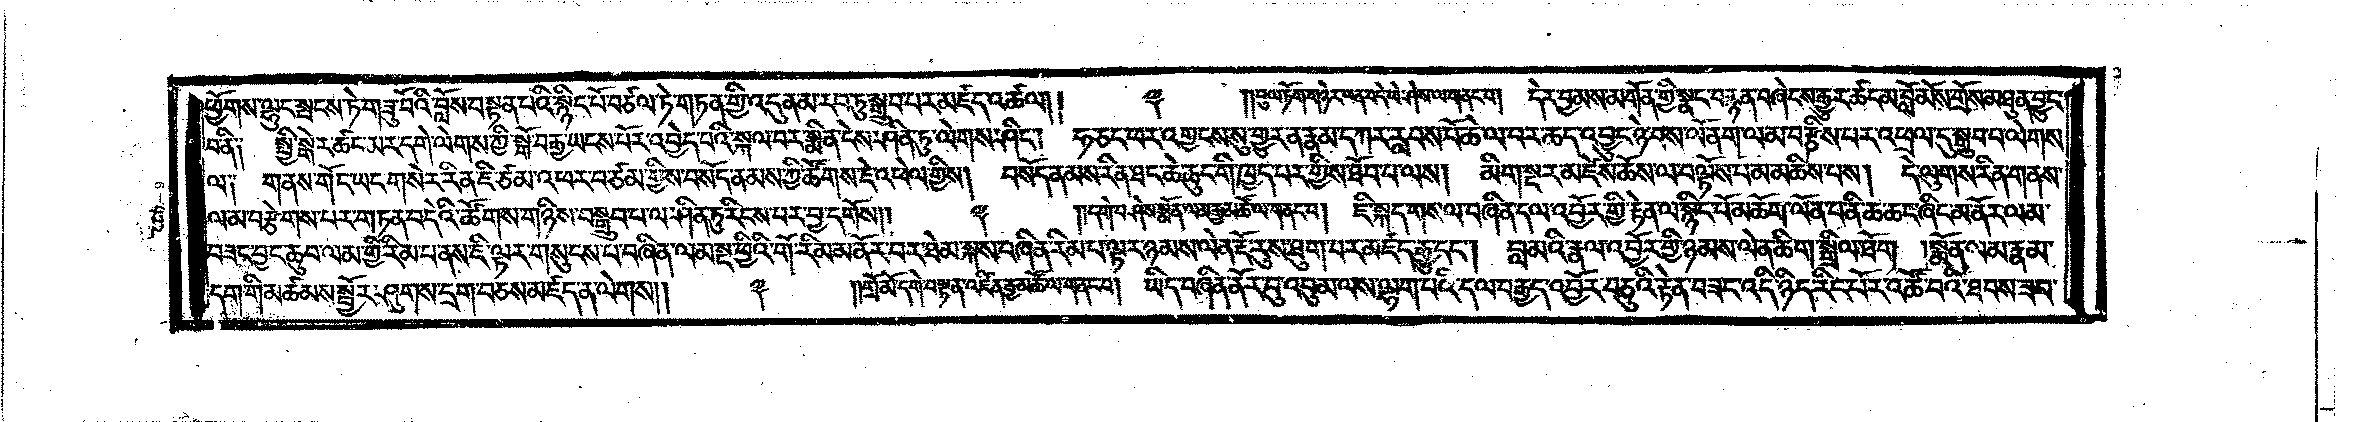ཕྱོགས་ལྷུང་སྤངས་ཏེ་གཟུ་བོའི་བློས་བསྟན་པའི་སྙིང་པོ་བཙལ་ཏེ་གཏན་གྱི་འདུན་མ་རབ་ཏུ་སྒྲུབ་པར་མཛད་འཚལ།། ༈ །།བུལ་ཏོག་གཉེར་ཕན་བདེ་ཡེ་ཤེས་ལ་གནང་བ།  དེར་བྱ་བས་མགོན་གྱི་སྣང་བརྟན་བཞེངས་རྒྱུར་ཚང་མ་བློ་མོས་གྲོས་མཐུན་བྱུང་
?ནི༑ སྤྱི་སྒེར་ཚང་མར་དགེ་ལེགས་ཀྱི་སྒོ་བརྒྱ་ཡངས་པོར་འབྱེད་པའི་སྐལ་བར་སྨིན་ངེས་ཤིན་ཏུ་ལེགས་ཤིང་། ཧ་ཆང་ཕར་འགྱངས་སུ་གྱུར་ན་རྣམ་དཀར་རླབས་པོ་ཆེ་ལ་བར་ཆད་འབྱུང་ཉེ་བས་ལོ་ནག་ལམ་བརྩིས་པར་འཕྲལ་དུ་སྒྲུབ་བ་ལེགས་
ལ༑ གནས་གོང་ཡང་གསེར་རིན་ཇི་ཙམ་འཕར་བ་ཙམ་གྱིས་བསོད་ནམས་ཀྱི་ཚོགས་ཇེ་འཕེལ་གྱིས། བསོད་ནམས་རིན་ཐང་ཆེ་ཆུང་གི་ཁྱད་པར་གྱིས་ཐོབ་པ་ལས། མིག་སྔར་མཛེས་ཆོས་ལ་བལྟོས་པ་མ་མཆིས་པས། དེ་ལུགས་རིན་གནས་
ལམ་བརྩེགས་པར་གཏན་བདེའི་ཚོགས་གཉིས་བསྒྲུབ་པ་ལ་ཤིན་ཏུ་རིངས་པར་བྱ་དགོས།། ༈ །།དགེ་བཤེས་སྨོན་ལམ་རྒྱ་མཚོ་ལ་གནང་བ།  ཇི་སྐད་གསལ་བཞིན་དལ་འབྱོར་གྱི་རྟེན་ལ་སྙིང་པོ་མཆོག་ལོན་པ་ནི་ཆ་ཆང་ཞིང་མ་ནོར་ལམ་
?་བྱང་ཆུབ་ལམ་གྱི་རིམ་པ་ནས་ཇི་ལྟར་གསུངས་པ་བཞིན་ལམ་སྔ་ཕྱིའི་གོ་རིམ་མ་ནོར་བར་ཐེམ་སྐས་བཞིན་རིམ་པ་ལྟར་ཉམས་ལེན་རྡོ་རུས་ཐུག་པར་མཛད་རྒྱུ་དང་། བླ་མའི་རྣལ་འབྱོར་གྱི་ཉམས་ལེན་ཆིག་སྒྲིལ་ཐོག །སྨོན་ལམ་རྣམ་
དག་གི་མཚམས་སྦྱོར་ཤུགས་དྲག་བཅས་མཛད་ན་ལེགས།། ༈ །།གྲོ་མོ་དགེ་བསྟན་འཛིན་བྱ་མཚོ་ལ་གནང་བ།  ཡིད་བཞིན་ནོར་བུ་འབུམ་ལས་ལྷག་པའི་དལ་བརྒྱད་འབྱོར་བཅུའི་རྟེན་བཟང་འདི་ཉིད་རིང་པོར་འཚོ་བའི་ཐབས་ཟབ་